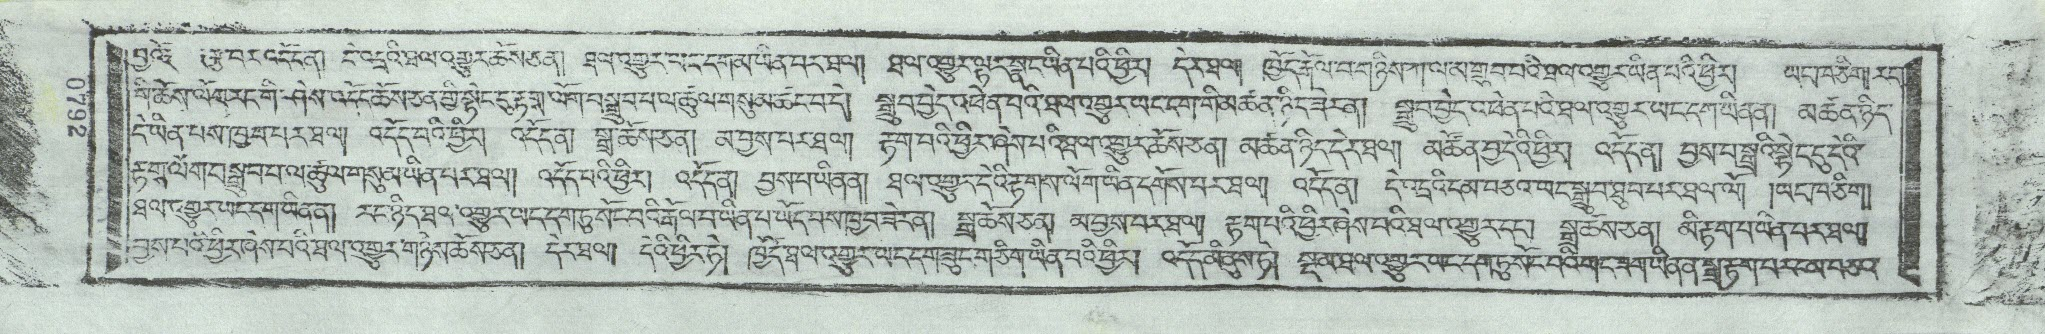བྱའོ༑ ༑རྩ་བར་འདོད་ན། དེ་འདྲའི་ཐལ་འགྱུར་ཆོས་ཅན། ཐལ་འགྱུར་ཡང་དག་མ་ཡིན་པར་ཐལ། ཐལ་འགྱུར་ལྟར་སྣང་ཡིན་པའི་ཕྱིར། དེར་ཐལ། ཁྱོད་རྒོལ་བ་གཉིས་ཀ་ལ་མ་གྲུབ་པའི་ཐལ་འགྱུར་ཡིན་པའི་ཕྱིར། ཡང་ཁ་ཅིག། རང་
གི་ཆོས་ལོག་རང་གི་ཤེས་འདོད་ཆོས་ཅན་གྱི་སྟེང་དུ་རྟགས་ལོག་བསྒྲུབ་པ་ལ་ཚུལ་གསུམ་ཚང་བ་དེ། སྒྲུབ་བྱེད་འཕེན་པའི་ཐལ་འགྱུར་ཡང་དག་གིས་མཚན་ཉིད་ཟེར་ན། སྒྲུབ་བྱེད་འཕེན་པའི་ཐལ་འགྱུར་ཡང་དག་ཡིན་ན། མཚན་ཉིད་
དེ་ཡིན་པས་ཁྱབ་པར་ཐལ། འདོད་པའི་ཕྱིར། འདོད་ན། སྒྲ་ཆོས་ཅན། མ་བྱས་པར་ཐལ། རྟག་པའི་ཕྱིར་ཞེས་པའི་ཐལ་འགྱུར་ཆོས་ཅན། མཚན་ཉིད་དེར་ཐལ། མཚོན་བྱ་དེའི་ཕྱིར། འདོད་ན། བྱས་པ་སྒྲའི་སྟེང་དུ་དེའི་
རྟགས་ལོག་བསྒྲུབ་པ་ལ་ཚུལ་གསུམ་ཡིན་པར་ཐལ། འདོད་པའི་ཕྱིར། འདོད་ན། བྱས་པ་ཡིན་ན། ཐལ་འགྱུར་དེའི་རྟགས་ལོག་ཡིན་དགོས་པར་ཐལ། འདོད་ན། དེ་འདྲའི་དམ་བཅའ་ཡང་སྒྲུབ་ཐབ་པར་ཐལ་ལོ། །ཡང་ཁ་ཅིག།
ཐལ་འགྱུར་ཡང་དག་ཡིན་ན། རང་ཉིད་ཐལ་འགྱུར་ཡང་དག་ཏུ་སོང་བའི་རྒོལ་བ་ཡིན་པ་ཡོད་པས་ཁྱབ་ཟེར་ན། སྒྲ་ཆོས་ཅན། མ་བྱས་པར་ཐལ། རྟག་པའི་ཕྱིར་ཞེས་པའི་ཐལ་འགྱུར་དང་། སྒྲ་ཆོས་ཅན། མི་རྟག་པ་ཡིན་པར་ཐལ།
བྱས་པའི་ཕྱིར་ཞེས་པའི་ཐལ་འགྱུར་གཉིས་ཆོས་ཅན། དེར་ཐལ། དེའི་ཕྱིར་ཏེ། ཁྱོད་ཐལ་འགྱུར་ཡང་དག་ཟུང་གཅིག་ཡིན་པའི་ཕྱིར། འདོད་མི་ནུས་ཏེ། སྔ་མ་ཐལ་འགྱུར་ཡང་དག་ཏུ་སོང་བའི་གང་ཟག་ཡིན་ན་སྒྲ་རྟག་པར་དམ་བཅའ་